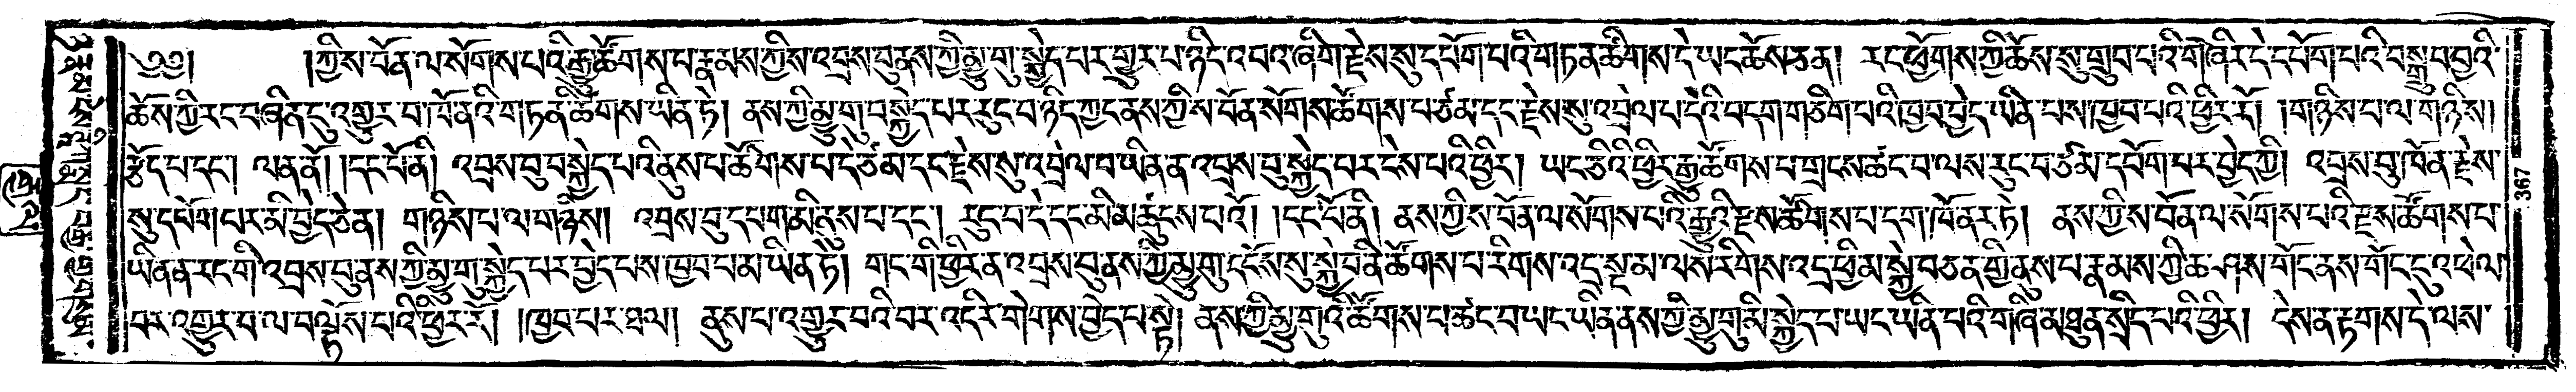༄༅། །ཀྱི་ས་བོན་ལ་སོགས་པའི་རྒྱུ་ཚོགས་པ་རྣམས་ཀྱིས་འབྲས་བུ་ནས་ཀྱི་མྱུ་གུ་སྐྱེད་པར་གྱུར་པ་ཉིད་འབའ་ཞིག་རྗེས་སུ་དཔོག་པའི་གཏན་ཚིགས་དེ་ཡང་ཆོས་ཅན། རང་ཕྱོགས་ཀྱི་ཆོས་སུ་གྲུབ་པའི་གཞིར་དེ་དཔོག་པའི་བསྒྲུབ་བྱའི་
ཆོས་ཀྱི་རང་བཞིན་དུ་འགྱུར་བ་ཁོ་ནའི་གཏན་ཚིགས་ཡིན་ཏེ། ནས་ཀྱི་མྱུ་གུ་བསྐྱེད་པར་རུང་བ་ཉིད་ཀྱང་ནས་ཀྱི་ས་བོན་སོགས་ཚོགས་པ་ཙམ་དང་རྗེས་སུ་འབྲེལ་པ་དེའི་བདག་གཅིག་པའི་ཁྱབ་བྱེད་ཡིན་པས་ཁྱབ་པའི་ཕྱིར་རོ། །གཉིས་པ་ལ་གཉིས།
རྩོད་པ་དང་། ལན་ནོ། །དང་པོ་ནི། འབྲས་བུ་བསྐྱེད་པའི་ནུས་པ་ཚོགས་པ་དེ་ཙམ་དང་རྗེས་སུ་འབྲེལ་བ་ཡིན་ན་འབྲས་བུ་སྐྱེད་པར་ངེས་པའི་ཕྱིར། ཡང་ཅིའི་ཕྱིར་རྒྱུ་ཚོགས་པ་གྲངས་ཚང་བ་ལས་རུང་བ་ཙམ་དབོག་པར་བྱེད་ཀྱི། འབྲས་བུ་ཁོ་ན་རྗེས་
སུ་དཔོག་པར་མི་བྱེད་ཅེ་ན། གཉིས་པ་ལ་གཉིས། འབྲས་བུ་དཔག་མི་ནུས་པ་དང་། རུང་བ་དེ་དང་མི་མཚུངས་པའོ། །དང་པོ་ནི། ནས་ཀྱི་ས་བོན་ལ་སོགས་པའི་རྒྱུའི་རྫས་ཚོགས་པ་དག་ཁོ་ནར་ཏེ། ནས་ཀྱི་ས་བོན་ལ་སོགས་པའི་རྫས་ཚོགས་པ་
ཡིན་ན་རང་གི་འབྲས་བུ་ནས་ཀྱི་མྱུ་གུ་སྐྱེད་པར་བྱེད་པས་ཁྱབ་པ་མ་ཡིན་ཏེ། གང་གི་ཕྱིར་ན་འབྲས་བུ་ནས་ཀྱི་མྱུ་གུ་དངོས་སུ་སྐྱེ་བ་ནི་ཚོགས་པ་རིགས་འདྲ་སྔ་མ་ལས་རིགས་འདྲ་ཕྱི་མ་སྐྱེ་བ་ཅན་གྱི་ནུས་པ་རྣམས་ཀྱི་ཆ་ཤས་གོང་ནས་གོང་དུ་འཕེལ་
བར་འགྱུར་བ་ལ་བལྟོས་པའི་ཕྱིར་རོ། །ཁྱབ་པར་ཐལ། ནུས་པ་འགྱུར་བའི་བར་འདིར་གེགས་བྱེད་པ་སྟེ། ནས་ཀྱི་མྱུ་གུའི་ཚོགས་པ་ཚང་བ་ཡང་ཡིན་ནས་ཀྱི་མྱུ་གུ་མི་སྐྱེད་པ་ཡང་ཡིན་པའི་གཞི་མཐུན་སྲིད་པའི་ཕྱིར། དེས་ན་རྟགས་དེ་ལས་